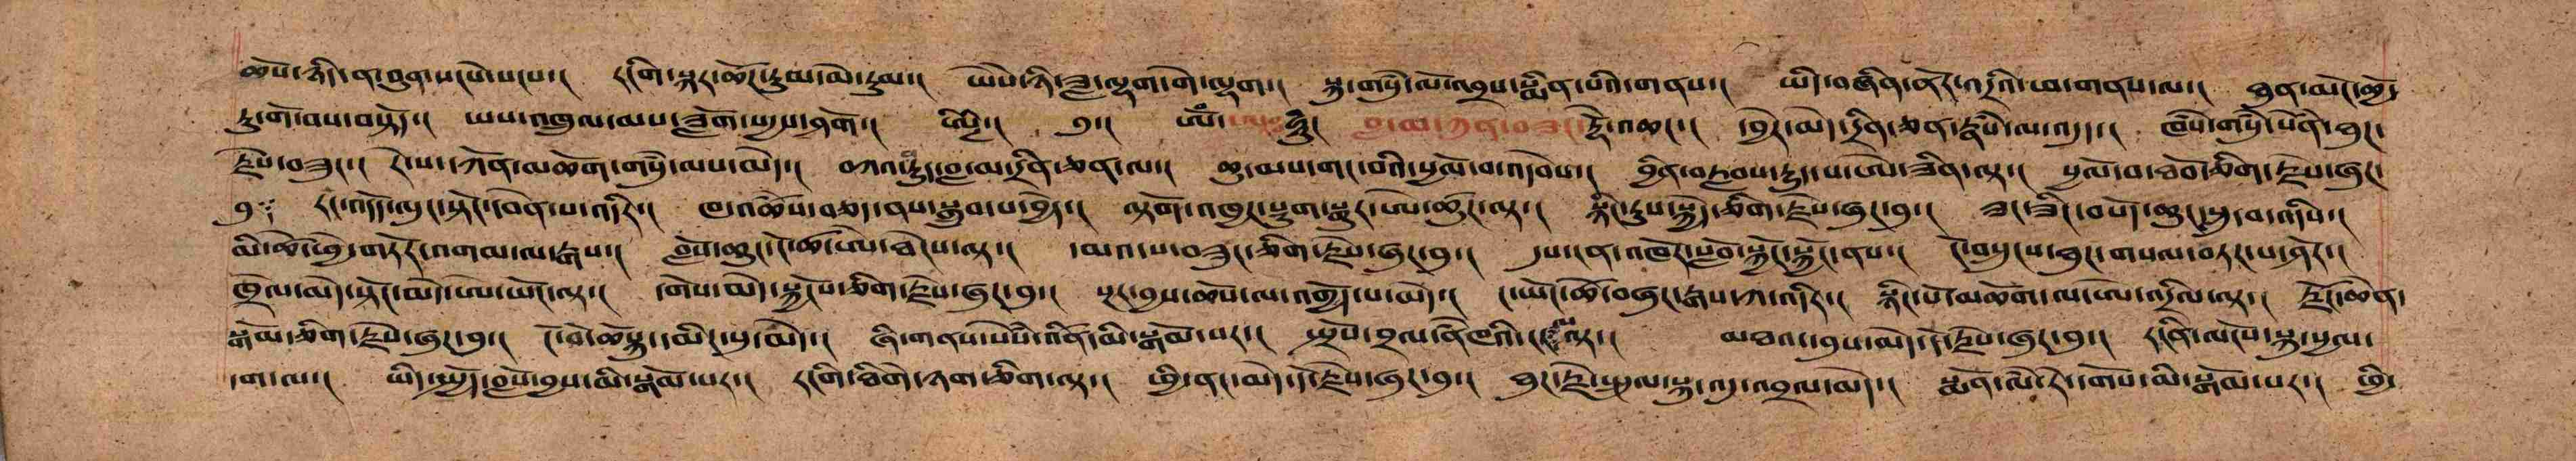ཆོས་ཉིད་ན་བུན་སངསེ་སངས། རང་རིག་སྐར་ཚོགས་རུམ་མེ་རུམ། ཡེ་ཤེས་ཉི་ཟླ་ལྷག་གེ་ལྷག སྐུ་གསུམ་ལོ་འབྲས་སྨིན་པའི་གནས། ཡིད་བཞིན་ནོར་འདྲའི་ཕ་གནས་ལ། ཐུན་མོང་མཆོག་
ཏུ་གོ་བས་བསྟོད། ཡས་འཁྲུལ་མས་ཟློག་སངས་རྒྱས་ཤོག ཨིཊི།༄་། ཨོཾ་ཨཱཿཧཱུཾ། བླ་མ་ཀུན་བཟང་རྡོ་རྗེ་འཆང་། དབྱེར་མེད་དྲིན་ཅན་རྣམས་ལ་འདུད། ཁམས་གསུམ་སེམས་ཅན་ཐུགས་
རྗེས་བཟུང་། རེ་ས་དཀོན་མཆོག་གསུམ་ལས་མེད། བཀའ་བརྒྱུད་བླ་མ་དྲིན་ཅན་ལ། ཆུ་མས་གང་བའི་གསོལ་བ་འདེབས། བྱིན་བརླབས་རྒྱུད་པ་ཨེ་ཟིན་ལྟ། གསོལ་བ་ཐོབ་ཅིག་རྗེས་ཞུགས་
བུ༑ རང་འདོད་ལུང་སྟོང་དབེན་པ་འདིར། ཁ་འཚམས་བཅད་ནས་སྒྲུབ་པ་བྱེད། ལྟོག་འཁྱགས་སྡུག་སྒུར་ཨེ་ཚུགས་ལྟ། སྙིང་རུས་སྐྱེད་ཅིག་རྗེས་ཞུགས་བུ། ཟང་ཟིང་བསོད་ཆུང་གསུང་བ་འདིས། 
མི་ཚེ་ཕྱེ་གཏོར་འགལ་མ་རྒས། བློས་ཆུང་ངོ་ཚ་ཨི་ཐེངས་ལྟ། དམའ་ས་བཟུང་ཅིག་རྗེས་ཞུགས་བུ། དུས་ངན་འཁོར་སློབ་སྐྱོང་སྐྱོང་ནས། ངོ་བསྲུངས་ཐུགས་གསལ་བཏང་པ་ཤོར། 
ཁྲོལ་མེད་སྟོང་མེད་ཨེ་ཡོང་ལྟ། དགོས་མེད་སྐྱངས་ཅིག་རྗེས་ཞུགས་བུ། སྔར་བྱས་ཆོས་ལ་འགྱོད་པ་མེད། ང་ཡོང་ཚེ་བཞུགས་རྒས་ཀ་འདིར། སྙིང་པོ་མཆོག་ལ་ཨེ་འདྲིལ་ལྟ། རྫོགས་ཆེན་
སྒོམ་ཅིག་རྗེས་ཞུགས་བུ། ངོ་བོ་ཆོས་སྐུ་དམིགས་སུ་མེད། ཞི་གནས་སེམས་འཛིན་མི་སྒོམ་བར། སྤྲོས་བྲལ་ནམ་མཁའི་ངང་ལ་ལྟ། མཐའ་དབུས་མེད་དེ་རྗེས་ཞུགས་བུ། རང་བཞིན་ལོངས་སྐུ་གསལ་
དག་ལ། ཡིད་སྤྱོད་བློས་བྱས་མི་སྒོམས་པར། རང་རིག་ཐིག་ལེ་ཉག་ཅིག་ལྟ། ཕྱི་ནང་མེད་དོ་རྗེས་ཞུགས་བུ། ཐུགས་རྗེ་སྤྲུལ་སྐུ་འདུ་འབྲལ་མེད། སྨོན་ལམ་རེ་དགོས་མི་སྒོམ་པར། ཕྱི་